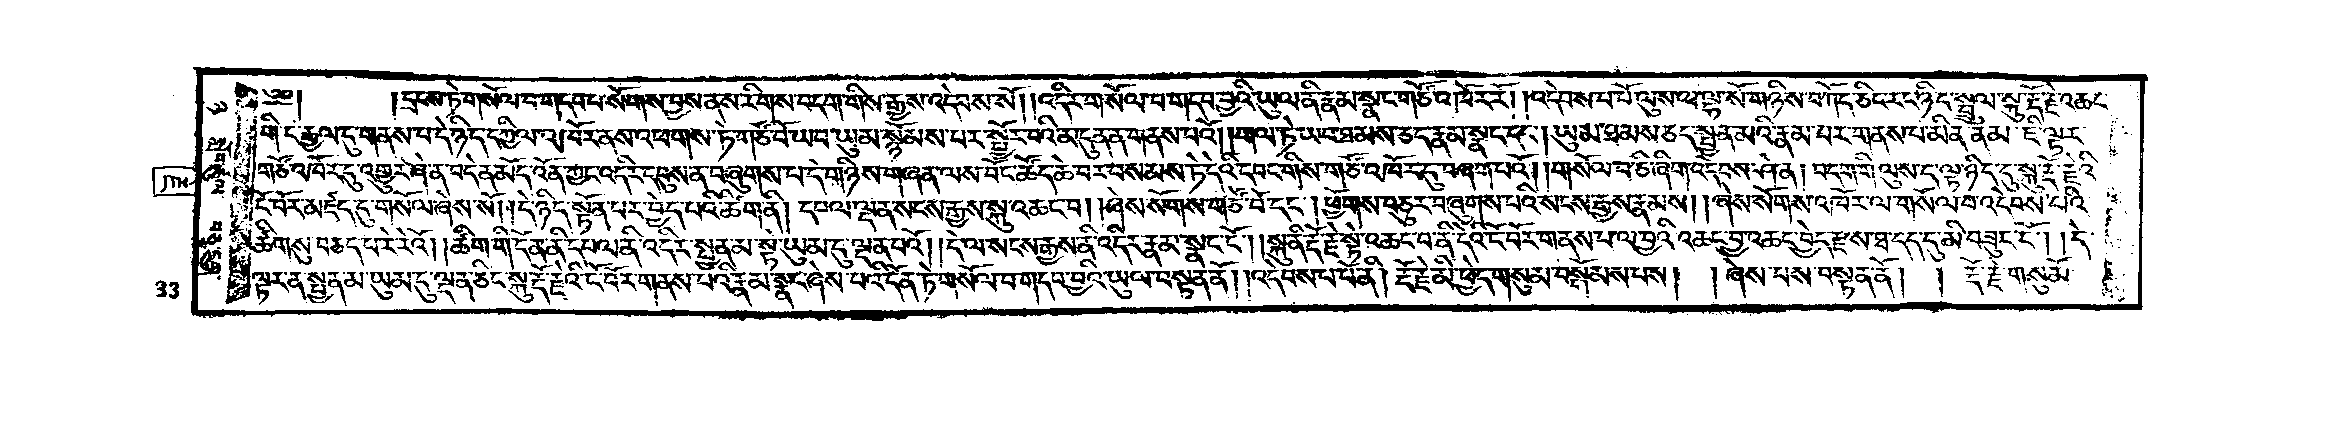༄༅། །དྲངས་ཏེ་གསོལ་བ་གདབ་པ་སོགས་བྱས་ནས་རིགས་བདག་གིས་རྒྱས་འདེབས་སོ། །འདིར་གསོལ་བ་གདབ་བྱའི་ཡུལ་ནི་རྣམ་སྣང་གཙོ་འཁོར་རོ། །འདེབས་པ་པོ་ལུས་ལ་ལྷ་སོ་གཉིས་བཀོད་ཅིང་རང་ཉིད་སྤྲུལ་སྐུ་རྡོ་རྗེ་འཆང་
གི་ང་རྒྱལ་དུ་གནས་པ་དེ་ཉིད་དཀྱིལ་འཁོར་ནས་འཕགས་ཏེ་གཙོ་བོ་ཡབ་ཡུམ་སྙོམས་པར་སྦྱོར་བའི་མདུན་ན་གནས་པའོ། །གལ་ཏེ་ཡབ་ཐམས་ཅད་རྣམ་སྣང་དང་། ཡུམ་ཐམས་ཅད་སྤྱན་མའི་རྣམ་པར་གནས་པ་མིན་ནམ་ཇི་ལྟར་
གཙོ་འཁོར་དུ་འགྱུར་ཞེ་ན་བདེན་མོད་འོན་ཀྱང་འདིར་དབུས་ན་བཞུགས་པ་དེ་གཉིས་གཞན་ལས་བོང་ཚོད་ཆེ་བར་བསམས་ཏེ་དེའི་དབང་གིས་གཙོ་འཁོར་དུ་བཞག་པའོ། །གསོལ་བ་ཅི་ཞིག་འདེབས་ཤེ་ན། བདག་གི་ལུས་ད་ལྟ་ཉིད་དུ་སྐུ་རྡོ་རྗེའི་
ངོ་བོར་མཛད་དུ་གསོལ་ཞེས་སོ། །དེ་ཉིད་སྟོན་པར་བྱེད་པའི་ཚིག་ནི། དཔལ་ལྡན་སངས་རྒྱས་སྐུ་འཆང་བ། །ཞེས་སོགས་གཙོ་བོ་དང་། ཕྱོགས་བཅུར་བཞུགས་པའི་སངས་རྒྱས་རྣམས། །ཞེས་སོགས་འཁོར་ལ་གསོལ་བ་འདེབས་པའི་
ཚིགས་སུ་བཅད་པ་རེ་རེའོ། །ཚིག་གི་དོན་ནི་དཔལ་ནི་འདིར་སྤྱན་མ་སྟེ་ཡུམ་དུ་ལྡན་པའོ། །དེ་ལ་སངས་རྒྱས་ནི་འདིར་རྣམ་སྣང་ངོ། །སྐུ་ནི་རྡོ་རྗེ་སྟེ་འཆང་བ་ནི་དེའི་ངོ་བོར་གནས་པ་ལ་བྱའི་འཆང་བྱ་འཆང་བྱེད་རྫས་ཐ་དད་དུ་མི་བཟུང་ངོ། །དེ་
ལྟར་ན་སྤྱན་མ་ཡུམ་དུ་ལྡན་ཅིང་སྐུ་རྡོ་རྗེའི་ངོ་བོར་གནས་པའི་རྣམ་སྣང་ཞེས་པའི་དོན་ཏེ་གསོལ་བ་གདབ་བྱའི་ཡུལ་བསྟན་ནོ། །འདེབས་པ་པོ་ནི། རྡོ་རྗེ་མི་ཕྱེད་གསུམ་བསྒོམས་པས། །ཞེས་པས་བསྟན་ནོ། །རྡོ་རྗེ་གསུམ་མོ་